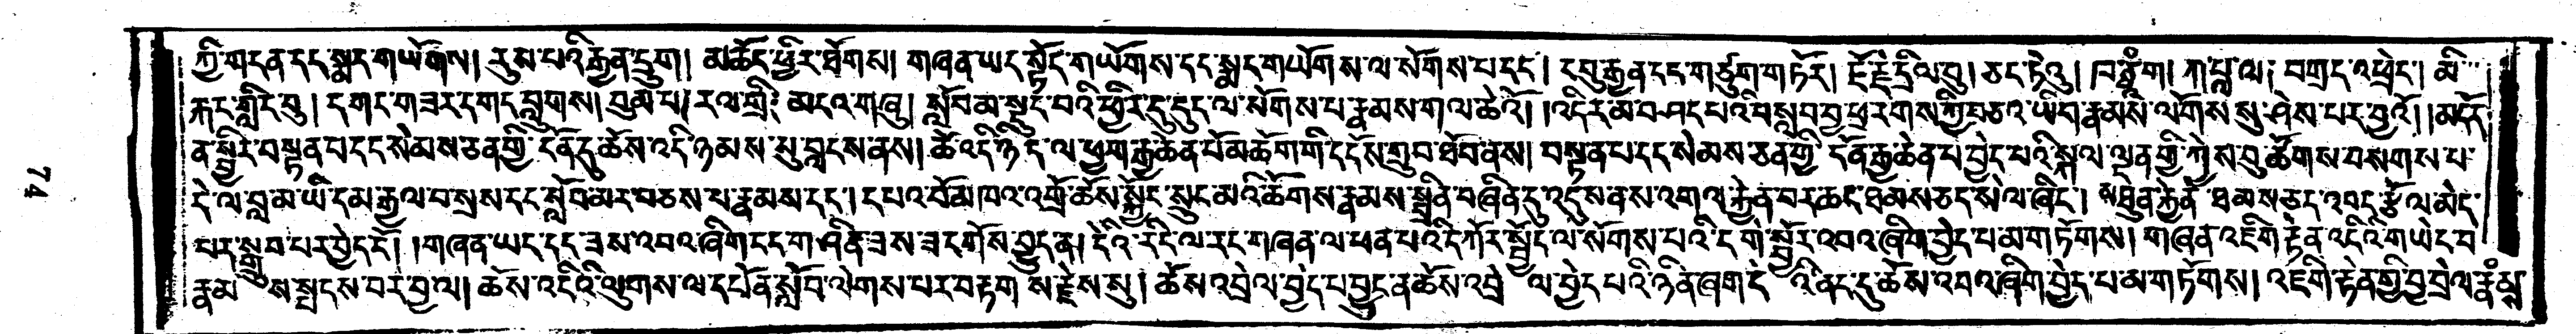ཀྱི་གདན་དང་སྨད་གཡོགས། རུས་པའི་རྒྱན་དྲུག། མཆོག་ཕྱིར་ཐོགས། གཞན་ཡང་སྟོད་གཡོགས་དང་སྨད་གཡོགས་ལ་སོགས་པ་དང་། དབུ་རྒྱན་དང་གཙུག་གཏོར། ཇོ་རྗེ་དྲིལ་བུ། ཅང་ཏེའུ། ཁ་ཊྭཱཾ་ག། ཀ་པླ་ལ། བགྲད་འཕྲེང་། མི་
རྐང་གླིང་བུ། དགང་གཟར་དགང་བླུགས། བུམ་པ། རལ་གྲི༑ མངའ་གཞུ། སློབ་མ་སྡུང་བའི་ཕྱིར་དུ་དུད་ལ་སོགས་པ་རྣམས་གལ་ཆེའོ། །འདིར་མ་བཤད་པའི་བསླབ་བྱ་ཕྲ་རགས་ཀྱི་བཅའ་ཡིག་རྣམས་ལོགས་སུ་ཤེས་པར་བྱའོ། །མདོར་
ན་སྤྱིར་བསྟན་པ་དང་སེམས་ཅན་གྱི་དོན་དུ་ཆོས་འདི་ཉམས་སུ་བླངས་ནས། ཚེ་འདི་ཉིད་ལ་ཕྱག་རྒྱ་ཆེན་པོ་མཆོག་གི་དངོས་གྲུབ་ཐོབ་ནས། བསྟན་པ་དད་སེམས་ཅན་གྱི་དོན་རྒྱ་ཆེན་པ་བྱེད་པའི་སྐལ་ལྡན་གྱི་ཀྱེས་བུ་ཚོགས་བསགས་པ་
དེ་ལ་བླ་མ་ཡི་དམ་རྒྱལ་བ་སྲས་དང་སློབ་མར་བཅས་པ་རྣམས་དང་། དཔའ་བོ་མཁའ་འགྲོ་ཆོས་སྐྱོང་སྲུང་མའི་ཆོགས་རྣམས་སྤྲིན་བཞིན་དུ་འདུས་ནས་འགལ་རྐྱེན་བར་ཆད་ཐམས་ཅད་སེལ་ཞིང་། མཐུན་རྐྱེན་ཐམས་ཅད་འབད་རྩོལ་མེད་
པར་སྒྲུབ་པར་བྱེད་ངོ། །གཞན་ཡང་དད་ཟས་འབའ་ཞིག་དད་གཤིན་ཟས་ཟ་དགོས་བྱུང་ན། དེའི་རིང་ལ་རང་གཞན་ལ་ཕན་པའི་དཀོར་སྦྱོད་ལ་སོགས་པའི་དགེ་སྦྱོར་འབའ་ཞིག་བྱེད་པ་མ་གཏོགས། གཞན་འཇིག་རྟེན་འདིའི་གཡེང་བ་
རྣམས་སྤངས་བར་བྱ་ལ། ཆོས་འདིའི་ལུགས་ལ་དཔོན་སློབ་ལེགས་པར་བརྟགས་རྗེས་སུ། ཆོས་འབྲེལ་བྱེད་པ་བྱུང་ན་ཆོས་འབྲེལ་བྱེད་པའི་ཉིན་ཞག་དེའི་ནང་དུ་ཆོས་འབའ་ཞིག་བྱེད་པ་མ་གཏོགས། འཇིག་རྟེན་གྱི་བྱ་བྲེལ་རྣམསཾ་